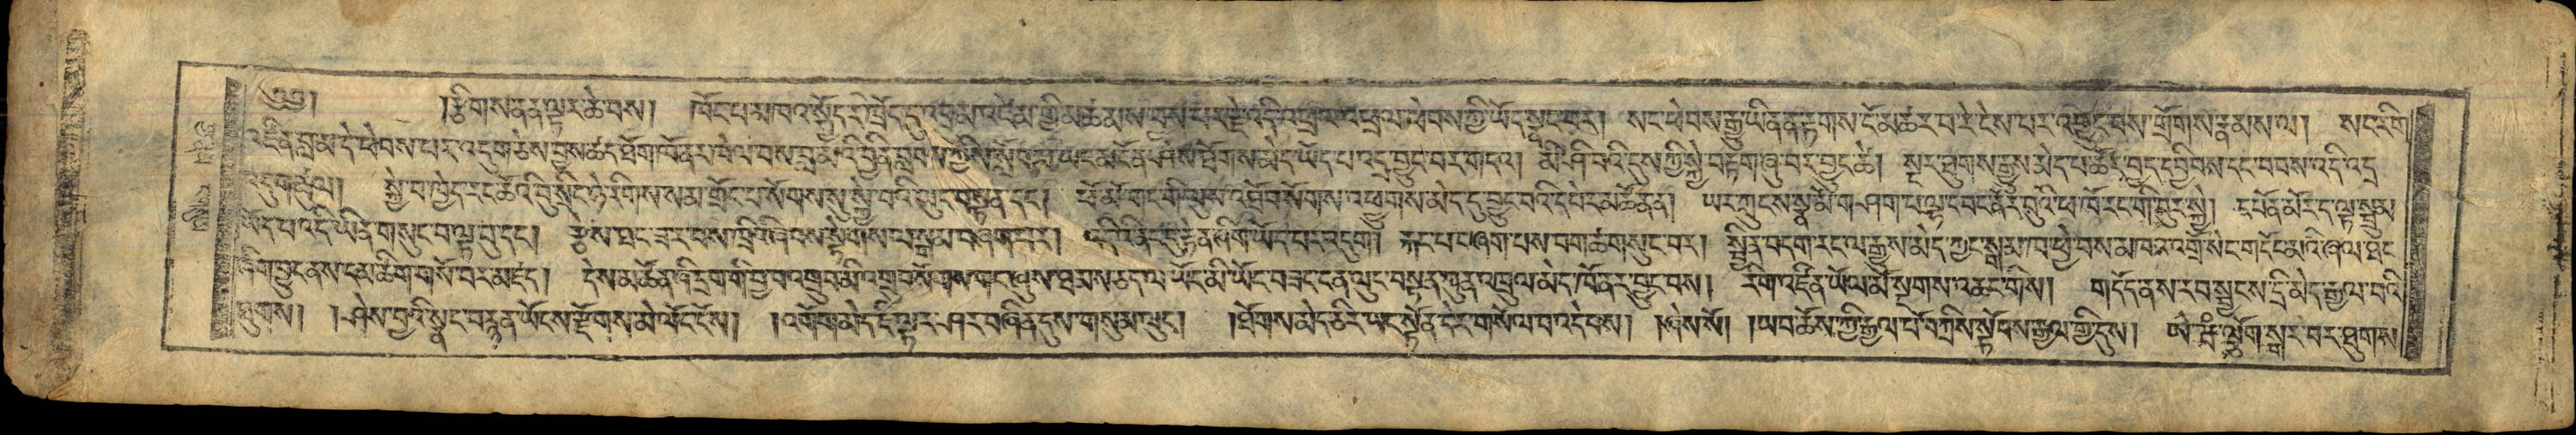༄༅། །རྩིགས་ནན་ལྟར་ཆེ་བས། ཁོང་པ་མཁའ་སྤྱོད་རི་ཁྲོད་དུ་འབྲུམ་འཛེམ་གྱི་མཚམས་བྱས་པར་རྗེ་འདི་འཕྲལ་འཕྲལ་ཕེབས་ཀྱི་ཡོད་སྣང་བར། སང་ཕེབས་རྒྱུ་ཡིན་ན་རྟགས་ངོ་མཚར་བ་རེ་ངེས་པར་འབྱུང་བས་གྲོགས་རྣམས་ལ། སང་རིག་
འཛིན་བླ་མ་དེ་ཕེབས་པར་འདུག་ཅེས་བྱས་ཚད་ཐོག་ཁོ་ནར་ཁེལ་བས་བླ་མའི་བྱིན་བླབས་ཀྱིས་སློབ་མ་ཡང་མངོན་ཤེས་ཐོགས་མེད་ཡོད་པ་འདྲ་བྱུང་བར་གདའ། མི་ཤི་བའི་དུས་ཀྱི་སྐྱེ་བརྟག་ཞུ་བར་བྱུང་ཚེ། ལྔར་ཐུགས་རྒྱུས་མེད་པ་ཚར་བྱད་དབྱིབས་དང་བབས་འདི་འདྲ་
འདུག་ཆུལ། སྐྱེ་བ་ཁྱེད་རང་ཚོའི་བུ་སྲིང་ཉེ་རིགས་སམ་གྲོང་པ་སོགས་སུ་སྐྱེ་བའི་ལུང་བསྟན་དང་། ཕོ་མོ་གང་གི་ལུས་འཐོབ་སོགས་འཕྱུགས་མེད་དུ་བྱུང་བའི་དཔེར་མཚོན་ན། ཡར་ཀླུངས་སྣ་མོ་གཤག་པ་ལྷ་དབང་ནོར་བུའི་ཕ་ཁོ་རང་གི་བུར་སྐྱེ། དཔོན་མོར་ད་ལྟ་སྦྲུམ་
ཡོད་པ་འདི་ཡིན་གསུང་བ་ལྟ་བུ་དང་། རྩེས་ཐང་ཟར་བས་ཁྲིའི་ཞབས་སྟེགས་ལ་སྒམ་བཞག་པར། འདིའི་ནང་དུ་རྟེན་ཞིག་ཡོད་པར་འདུག། རྐང་པ་བཞག་པས་བག་ཚ་གསུང་བར། སྦྱིན་བདག་རང་ལ་རྒྱས་མེད་ཀྱང་སྒམ་ཁ་ཕྱེ་བས་མཁའ་འགྲོ་སེང་གདོང་མའི་ཞལ་ཐང་
ཞིག་བྱུང་ནས་དམ་ཚིག་གསོ་བར་མཛད། དེས་མཚོན་ཞི་དྲག་གི་བྱ་བ་འགྲུབ་མི་འགྲུབ་སོགས་གང་ཞུས་ཐམས་ཅད་ལ་ཡོང་མི་ཡོང་བཟང་ངན་ལུང་བསྟན་ཀུན་འཁྲུལ་མེད་ཁོ་ནར་བྱུང་བས། རིག་འཛིན་ཡོལ་མོ་སྔགས་འཆང་གིས། གདོད་ནས་རབ་སྦྱངས་དྲི་མེད་རྒྱལ་བའི་
ཐུགས། །ཤེས་བྱའི་སྣང་བརྙན་ཡོངས་རྫོགས་མེ་ལོང་ངོས། །འགོག་མེད་ཇི་ལྟར་ཤར་བཞིན་དུས་གསུམ་ལུང་། །ཐོག་མེད་ཅིར་ཡང་སྟོན་དེར་གསོལ་བ་འདེབས། །ཞས་སོ། །ཡབ་ཆོས་ཀྱི་རྒྱལ་བ་འབྲས་?་སྟོབས་རྒྱལ་གྱི་དུས། ཨེ་ཝཾ་ལྕོག་སྒར་བར་ཐུགས་